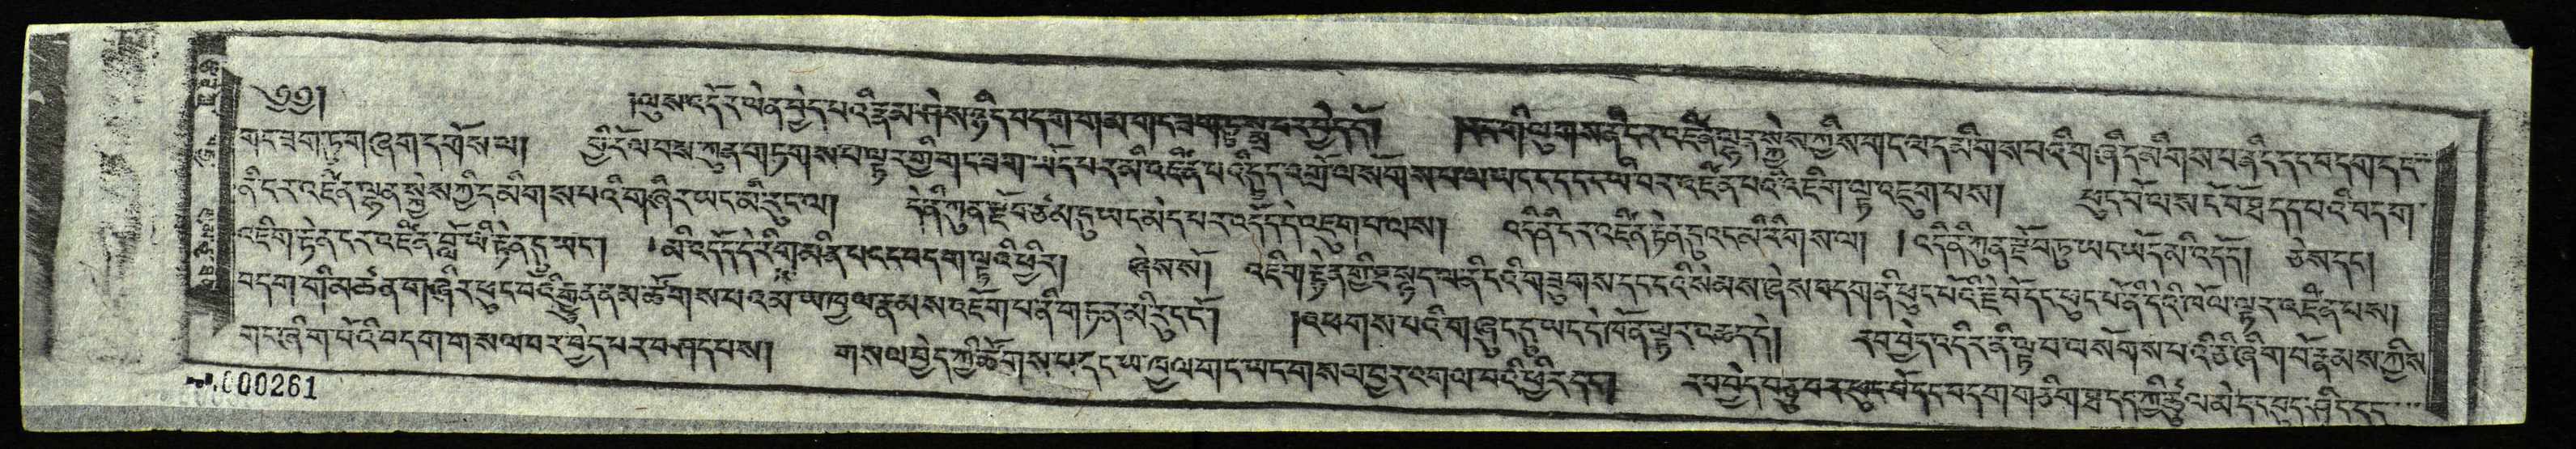༄༅། །ལུས་འདོར་ལེན་བྱེད་པའི་རྣམ་ཤེས་ཉིད་བདག་གམ་གང་ཟག་ཏུ་སྨྲ་བར་བྱེད་དོ། །རང་གི་ལུགས་ནི་ངར་འཛིན་ལྷན་སྐྱེས་ཀྱིས་གང་ལ་དམིགས་པའི་གཞི་དམིགས་པ་ནིང་དང་བདག་དང་
གང་ཟག་ཏུ་གཞག་དགོས་ལ། ཕྱི་རོལ་བས་ཀུན་གཏགས་པ་ལྟར་གྱི་གང་ཟག་ཡོད་པར་མི་འཛིན་པའི་དུད་འགྲོ་ལ་སོགས་པ་ལ་ཡང་ང་དང་ང་ཡི་བར་འཛིན་པའི་འཇིག་ལྟ་འཇུག་པས། ཕུང་པོ་ལས་ངོ་བོ་ཐ་དད་པའི་བདག་
ནི་ངར་འཛིན་ལྷན་སྐྱེས་ཀྱི་དམིགས་པའི་གཞིར་ཡང་མི་རུང་ལ། དེ་ནི་ཀུན་རྫོབ་ཙམ་དུ་ཡང་མེད་པར་འདོད་དེ་འཇུག་པ་ལས། འདི་ནི་ངར་འཛིན་རྟེན་དུའང་མི་རིགས་ལ། །འདི་ནི་ཀུན་རྫོབ་ཏུ་ཡང་ཡོད་མི་འདོད། ཅེས་དང་།
འཇིག་རྟེན་ངར་འཛིན་བློ་ཡི་རྟེན་དུ་ཡང་། །མི་འདོད་དེ་རིག་མིན་པའང་བདག་ལྟའི་ཕྱིར། ཞེས་སོ། འཇིག་རྟེན་གྱི་ཐ་སྙད་ལ་ནི་ངའི་གཟུགས་དང་ངའི་སེམས་ཞེས་བདག་ནི་ཕུང་པོའི་རྗེ་བོ་དང་ཕུང་པོ་ནི་དེའི་ཁོལ་ལྟར་འཛིན་པས།
བདག་གི་མཚན་གཞིར་ཕུང་པོའི་རྒྱུན་ནམ་ཚོགས་པའམ་ཡ་ཁྱལ་རྣམས་འཇོག་པ་ནི་གཏན་མི་རུང་ངོ། །འཕགས་པའི་གཞུང་དུ་ཡང་དེ་ཁོ་ན་ལྟར་འཆད་དེ། རབ་བྱེད་འདིར་ནི་ལྟ་བ་ལ་སོགས་པའི་ཅི་ཞིག་པོ་རྣམས་ཀྱིས་
གང་ཞིག་པོའི་བདག་གསལ་བར་བྱེད་པར་བཤད་པས། གསལ་བྱེད་ཀྱི་ཚོགས་པ་དང་ཡ་ཁྱལ་གང་ཡང་གསལ་བྱར་འགལ་བའི་ཕྱིར་དང་། རབ་བྱེད་བཅུ་བར་ཕུང་པོ་དང་བདག་གཅིག་ཐ་དད་ཀྱི་ཚུལ་མེ་དང་བུད་ཤིང་དང་